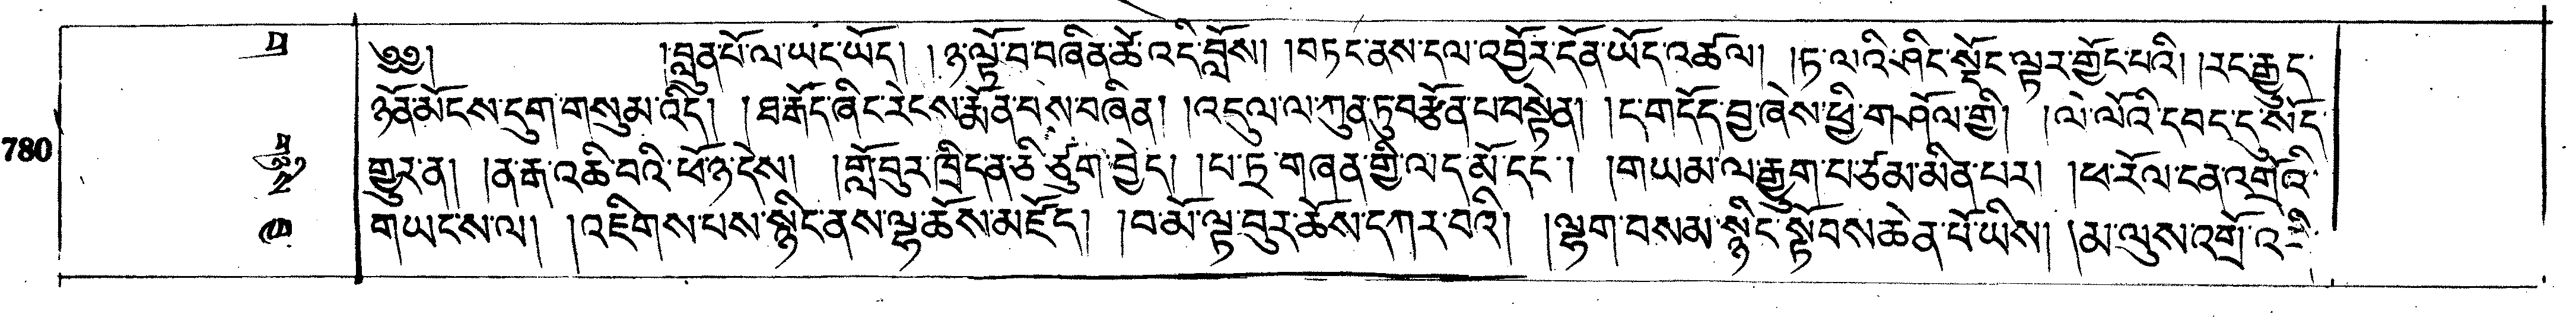༄༅། །བླུན་པོ་ལ་ཡང་ཡོད། །ཉ་ལྟོ་བ་བཞིན་ཚེ་འདི་བློས། །བཏང་ནས་དལ་འབྱོར་དོན་ཡོད་འཚལ། །ཏ་ལའི་ཤིང་སྡོང་ལྟར་གྱོང་པའི། །རང་རྒྱུད་
ཉོན་མོངས་དུག་གསུམ་འདི། །ཐ་རྒོད་ཞིང་རེངས་རྨོན་བས་བཞིན། །འདུལ་ལ་ཀུན་ཏུ་བརྩོན་པ་བསྟེན། །ང་གདོད་བྱ་ཞེས་ཕྱི་གཤོལ་གྱི། །ལེ་ལོའི་དབང་དུ་སོད་
གྱུར་ན། །ན་རྒ་འཆི་བའི་ཕོ་ཉ་དེས། །གློ་བུར་ཁྲིད་ན་ཅི་ཙུག་བྱེད། །པ་ཏྲ་གཞན་གྱི་ལད་མོ་དང་། །གཡམ་ལ་རྒྱུག་པ་ཙམ་མིན་པར། །ཕ་རོལ་ངན་འགྲོའི་
གཡང་ས་ལ། །འཇིགས་པས་སྙིང་ནས་ལྷ་ཆོས་མཛོད། །བ་མོ་ལྟ་བུར་ཆོས་དཀར་བའི། །ལྷག་བསམ་སྙིང་སྟོབས་ཆེན་པོ་ཡིས། །མ་ལུས་འགྲོ་འདི་